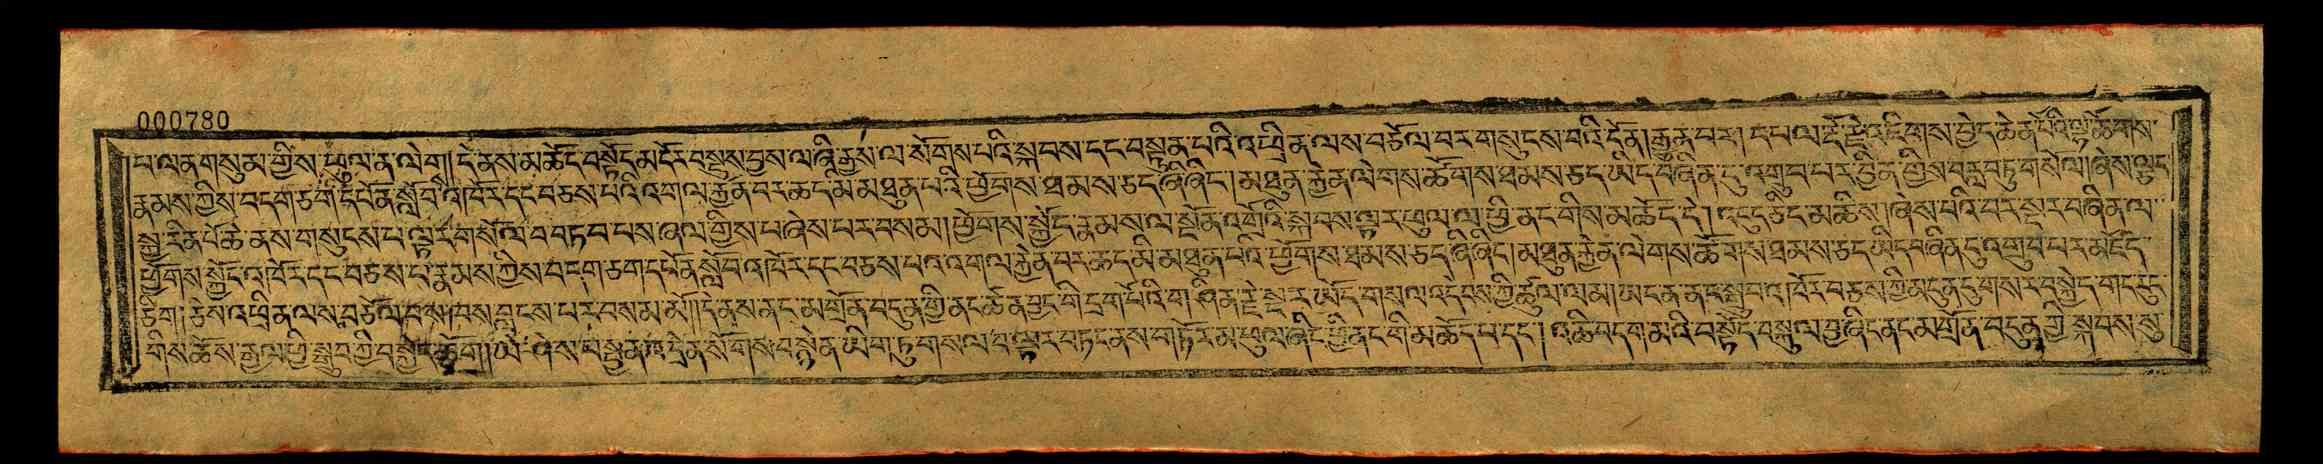པ་ལན་གསུམ་གྱིས་ཕུལ་ན་ལེགས། དེ་ནས་མཆོད་བསྟོད་མདོར་བསྡུས་བྱས་ལ་ཞི་རྒྱས་ལ་སོགས་པའི་སྐབས་དང་བསྟུན་པའི་འཕྲིན་ལས་བཅོལ་བར་གསུངས་པའི་དོན། རྒྱུན་པར། དཔལ་རྡོ་རྗེ་འཇིགས་བྱེད་ཆེན་པོའི་ལྷ་ཚོགས་
རྣམས་ཀྱིས་བདག་ཅག་དཔོན་སློབ་འཁོར་དང་བཅས་བའི་འགལ་རྐྱེན་བར་ཆད་མི་མཐུན་པའི་ཕྱོགས་ཐམས་ཅད་ཞི་ཞིང་། མཐུན་རྐྱེན་ལེགས་ཚོགས་ཐམས་ཅད་ཡིད་བཞིན་དུ་འགྲུབ་པར་བྱིན་གྱིས་བརླབ་ཏུ་གསོལ། ཞེས་ལྕང་
སྐྱ་རིན་པོ་ཆེ་ནས་གསུངས་པ་ལྟར་གསོལ་བ་བཏབ་པས་ཞལ་གྱིས་བཞེས་པར་བསམ། ཕྱོགས་སྐྱོང་རྣམས་ལ་སྔོན་འགྲོའི་སྐབས་ལྟར་ཕུལ་ལ་ཕྱི་ནང་གིས་མཆོད་དེ། འདུད་ཅིང་མཆིས། ཞེས་པའི་བར་སྔར་བཞིན་ལ།
ཕྱོགས་སྐྱོང་འཁོར་དང་བཅས་པ་རྣམས་ཀྱིས་བདག་ཅག་དཔོན་སློབ་འཁོར་དང་བཅས་པའི་འགལ་རྐྱེན་བར་ཆད་མི་མཐུན་པའི་ཕྱོགས་ཐམས་ཅད་ཞི་ཞིང་། མཐུན་རྐྱེན་ལེགས་ཚོགས་ཐམས་ཅད་ཡིད་བཞིན་དུ་འགྲུབ་པར་མཛོད་
ཅིག ༑ཅེས་འཕྲིན་ལས་བཅོལ་བས་ཁས་བླངས་པར་བསམ་མོ། །དེ་ནས་ནང་མགྲོན་བདུན་གྱི་ནང་ཚན་བྱང་གི་དྲག་པོའི་གཤིན་རྗེ་སྔར་ཡོད་གསལ་འདེབས་ཀྱི་ཚུལ་ལམ། ཡང་ན་ནང་སྒྲུབ་འཁོར་བཅས་ཀྱི་མདུན་དུ་གསར་བསྐྱེད་གང་རུང་
གིས་ཆོས་རྒྱལ་ཕྱི་སྒྲུབ་ཀྱི་བསྐྱེད་ཆོག །ཡེ་ཤེས་པ་སྤྱན་འདྲེན་སོགས་བསྙེན་ཡིག་ཏུ་གསལ་བ་ལྟར་བཏང་ནས་གཏོར་མ་ཕུལ་ཞིང་ཕྱི་ནང་གི་མཆོད་པ་དང་། འཆི་བདག་མའི་བསྟོད་བསྐུལ་བྱ་ཞིང་ནང་མགྲོན་བདུན་གྱི་སྐབས་སུ་